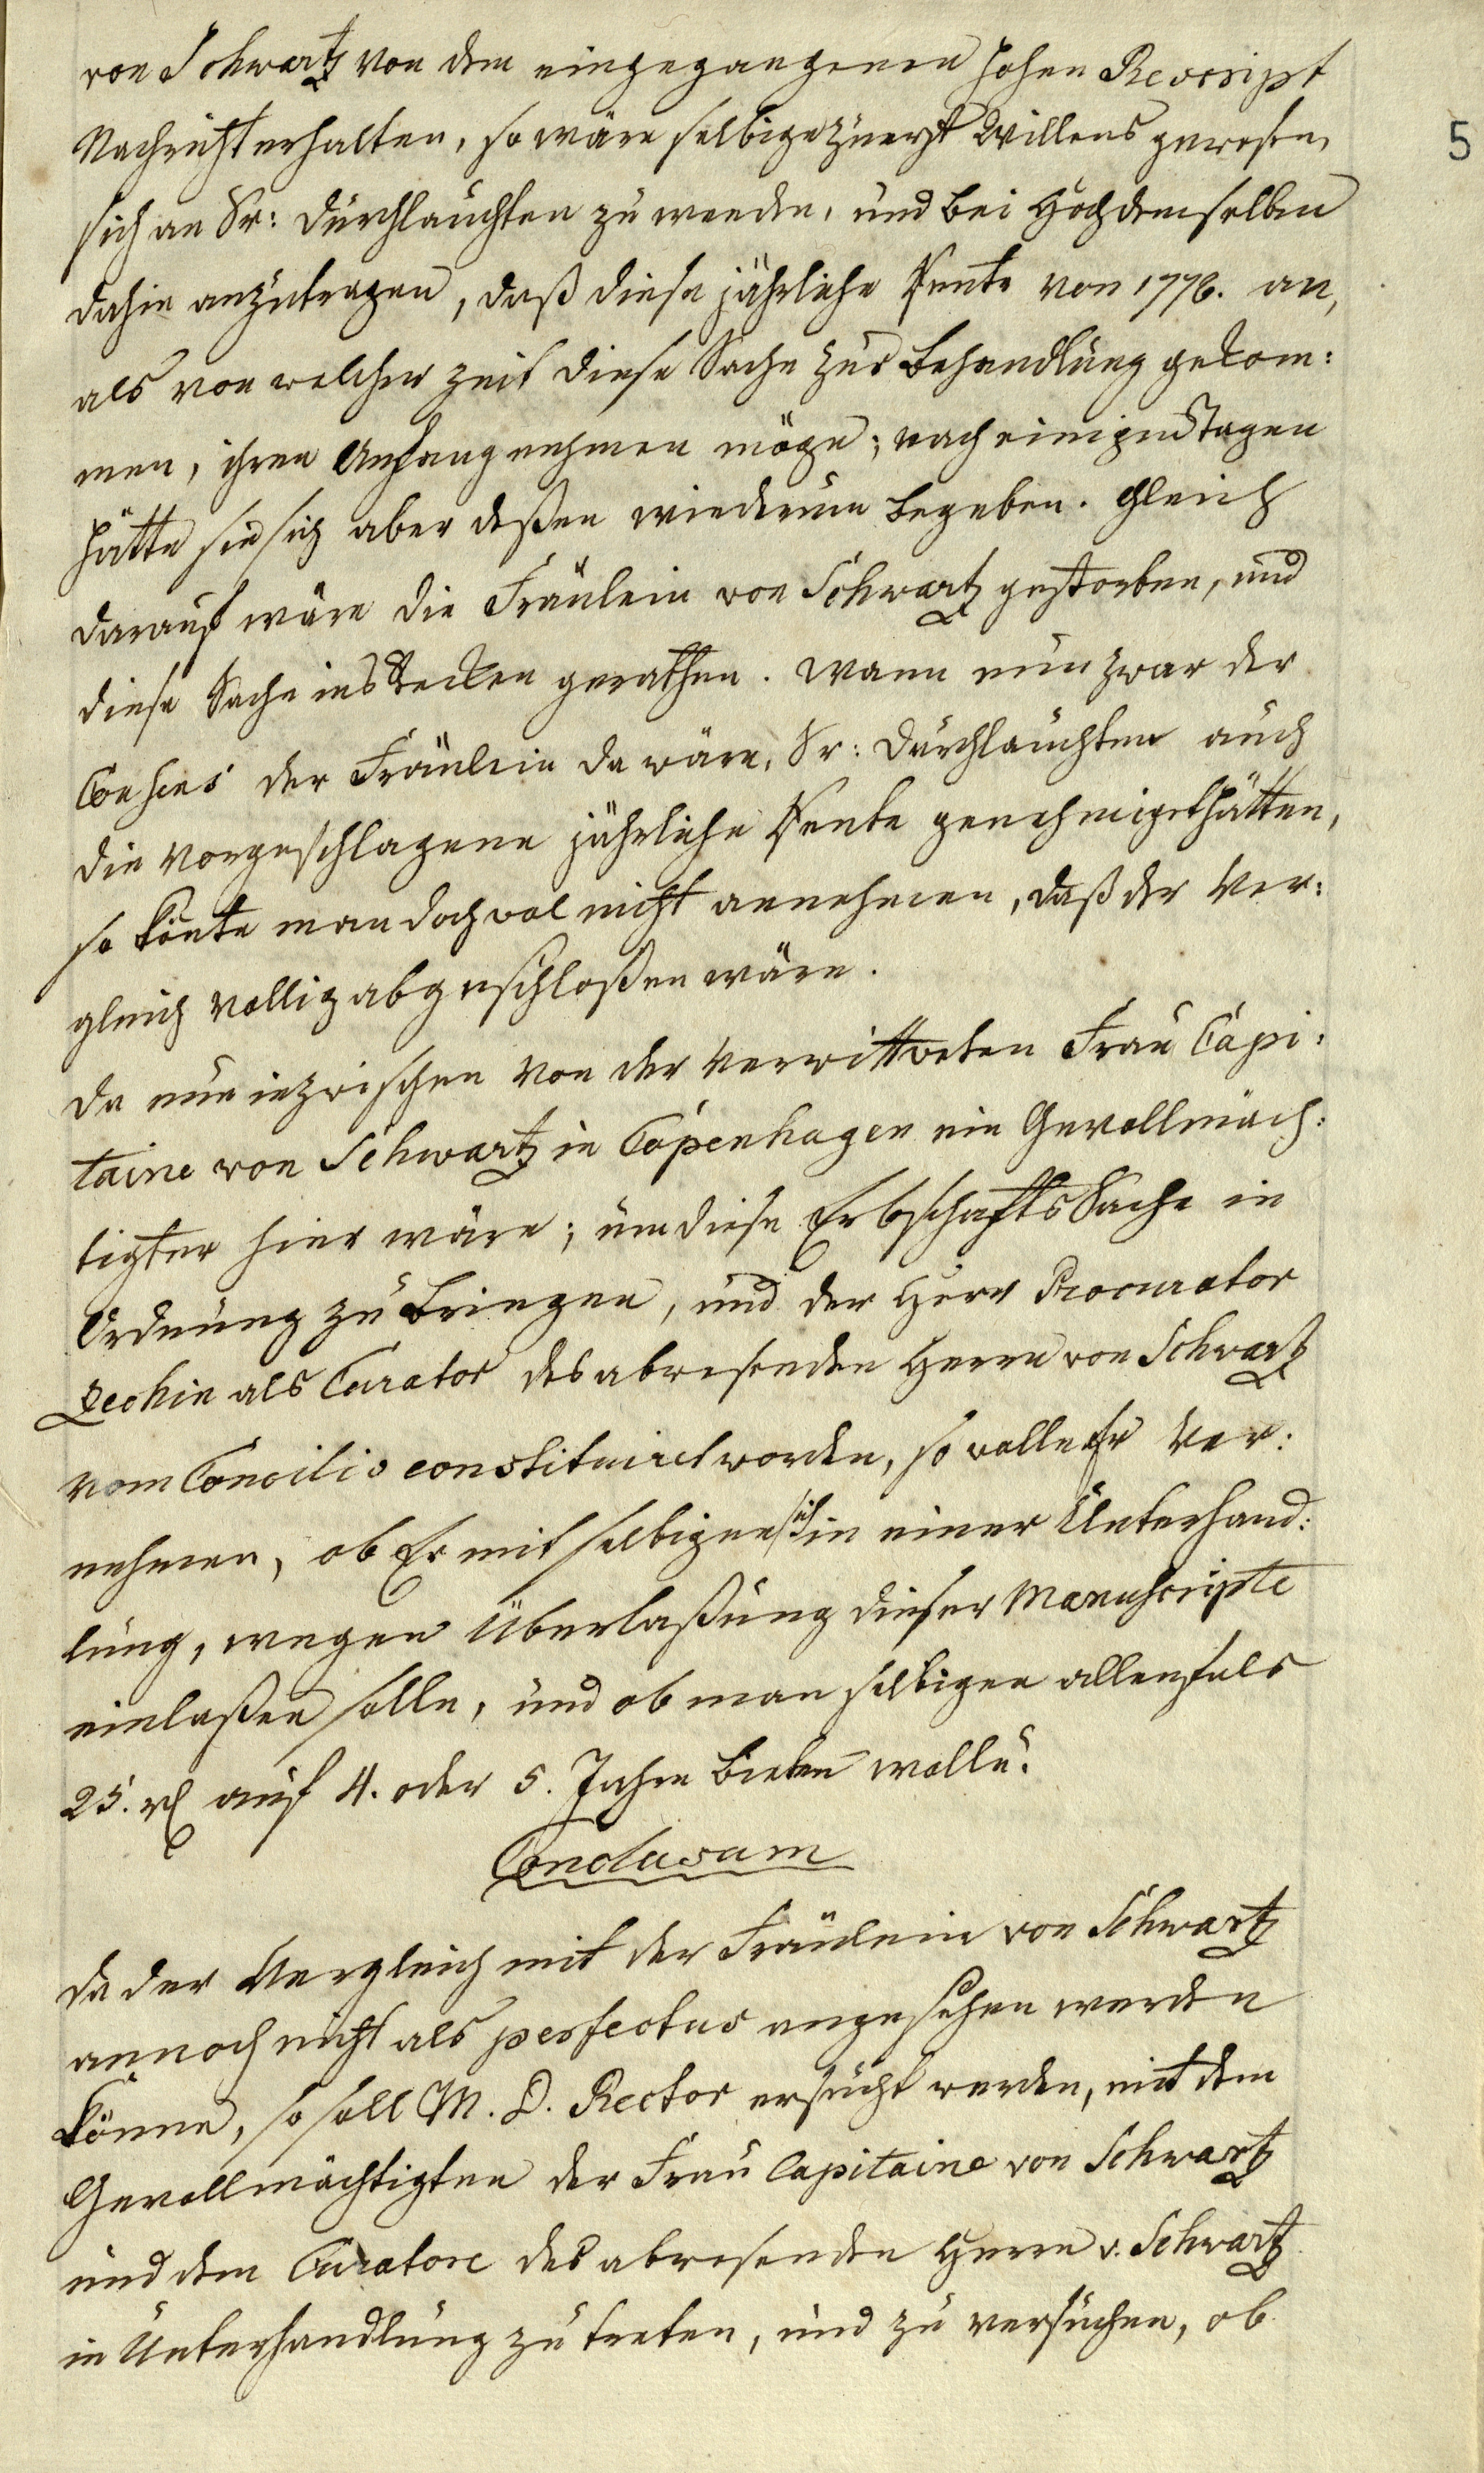von Schwartz von dem eingegangenen hohen Rescript
Nachricht erhalten, so wäre selbige zuerst Willens gewesen,
sich an Sr. Durchlauchten zu wenden, und bei Hochdemselben
dahin anzutragen, daß diese jährliche Rente von 1778. an,
als von welcher Zeit diese Sache zur Behandlung gekom¬
men, ihren Anfang nehmen möge; nach einigen Tagen
hätte Sie sich aber deßen wiederum begeben. Gleich
darauf wäre die Fräulein von Schwartz gestorben, und
diese Sache ins Stecken gerathen. Wann nun zwar der
Consens der Fräulein da wäre, Sr. Durchlauchten auch
die vorgeschlagene jährliche Rente genehmiget hätten,
so könte man doch wol nicht annehmen, daß der Ver¬
gleich vollig abgeschloßen wäre.
Da nun inzwischen von der verwittweten Frau Capi¬
taine von Schwartz in Copenhagen ein Gevollmäch¬
tigter hier wäre; um diese ErbschaftsSache in
Ordnung zu bringen, und der Herr Procurator
Zechin als Curator des abwesenden Herrn von Schwartz
vom Concilio constituiret worden, so wolle Er ver¬
nehmen, ob Er mit selbigen sich in einer Unterhand¬
lung, wegen Überlaßung dieser Manuscripte
einlaßen solle, und ob man selbigen allenfals
25. r. auf 4. oder 5. Jahre bieten wolle.
Conclusum
Da der Vergleich mit der Fräulein von Schwartz
annoch nicht als perfectus angesehen werden
könne, so soll M. D. Rector ersucht werden, mit dem
Gevollmächtigten der Frau Capitaine von Schwartz
und dem Curatore des abwesenden Herrn v. Schwartz
in Unterhandlung zu treten, und zu versuchen, ob